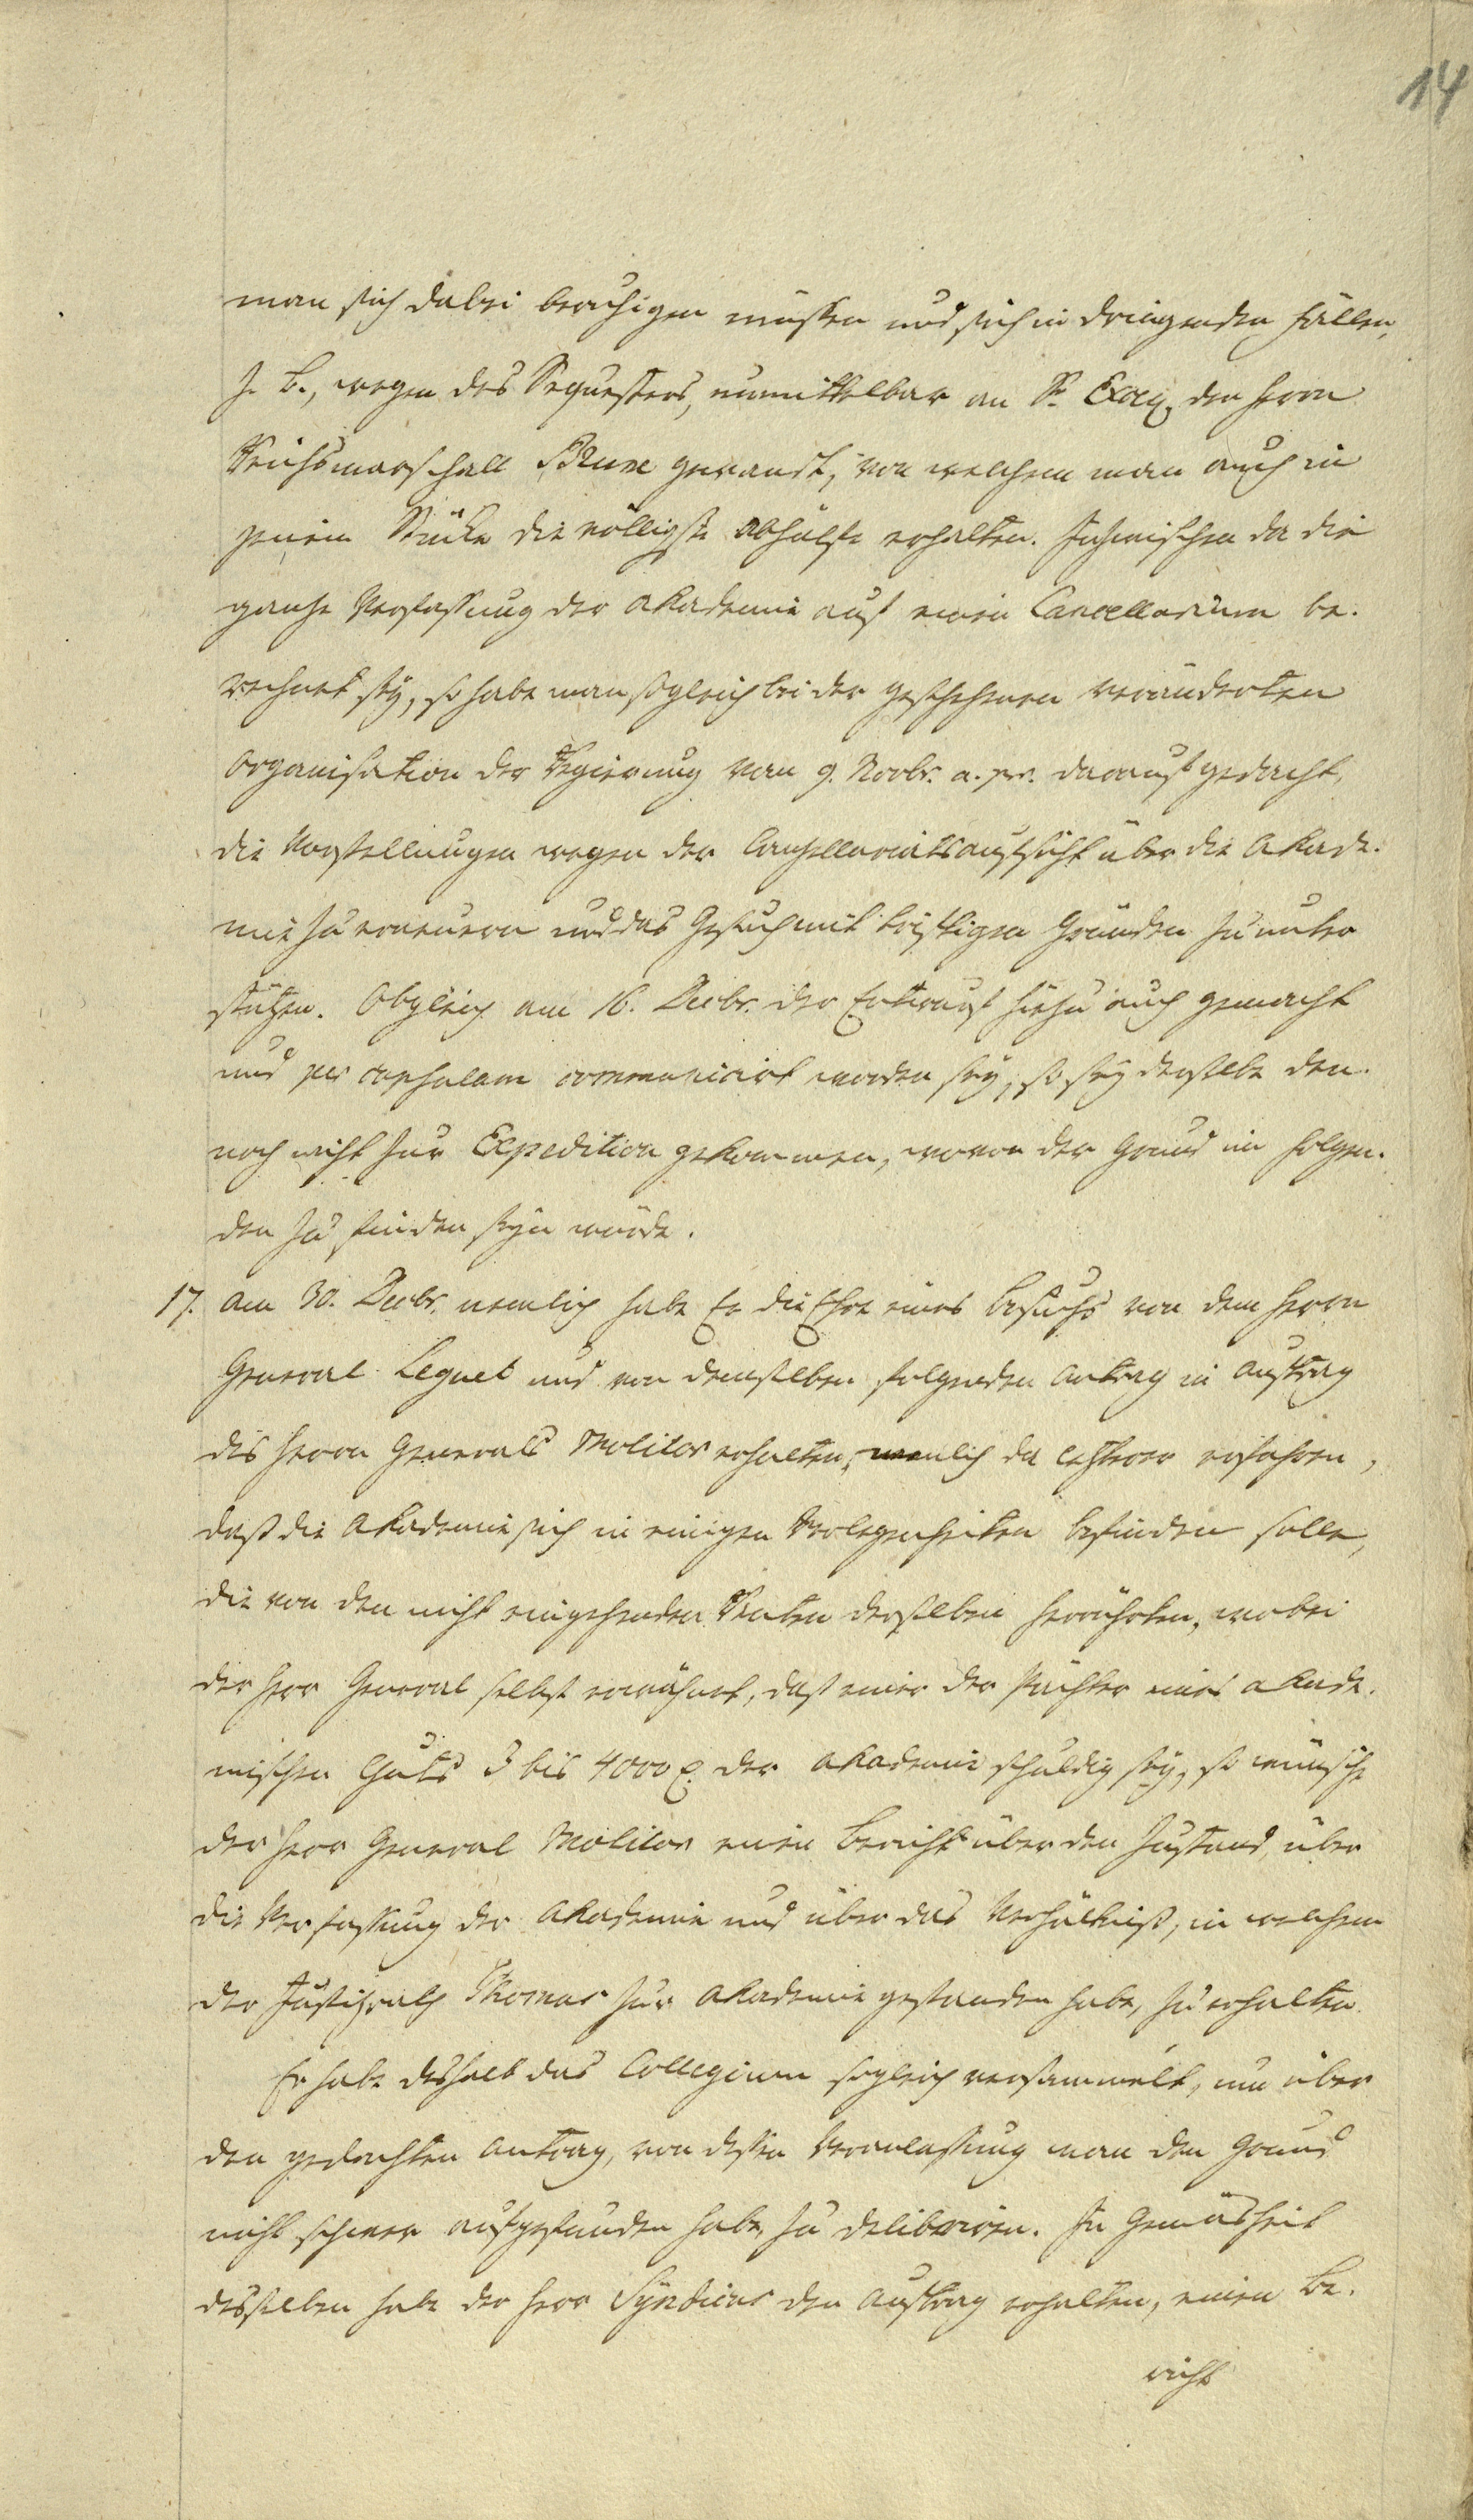man sich dabei beruhigen müssen und sich in dringenden Fällen
z. B., wegen des Sequesters, unmittelbar an Sr. Excel. den Herrn
Reichsmarschall Brune gewandt, von welchem man auch in
jenem Stücke die völligste Abhülfe erhalten. Inzwischen da die
ganze Verfassung der Akademie auf einen Cancellarium be¬
rechnet seÿ, so habe man sogleich bei der geschehenen veränderten
Organisation der Regierung vom 9. Novbr. a. pr. darauf gedacht,
die Vorstellungen wegen der Canzellariatsaufsicht über die Akade¬
mie zu erneuern und das Gesuch mit triftigen Gründen zu unter¬
stützen. Obgleich am 16. Decbr. der Entwurf hiezu auch gemacht
und per capsulam communicirt worden seÿ, so seÿ derselbe den¬
noch nicht zur Expedition gekommen, wovon der Grund im folgen¬
den zu finden seÿn würde.
17. Am 30. Decbr. nemlich habe Er die Ehre eines Besuchs von dem Herrn
General Leguet und von demselben folgenden Antrag in Auftrag
des Herrn Generals Molitor erhalten, nemlich da letzterer erfahren,
daß die Akademie sich in einigen Verlegenheiten befinden solle,
die von den nicht eingehenden Renten derselben herrührten, wobei
der Herr General selbst erwähnet, daß einer der Pächter eines akade¬
mischen Guths 3 bis 4000 l. der Akademie schuldig seÿ, so wünsche
der Herr General Molitor einen Bericht über den Zustand, über
die Verfassung der Akademie und über das Verhältniß, in welchem
der Justizrath Thomas zur Akademie gestanden habe, zu erhalten.
Er habe deshalb das Collegium sogleich versammelt, um über
den gedachten Antrag, von dessen Veranlassung man den Grund
nicht schwer aufgefunden habe, zu deliberiren. In Gemäsheit
desselben habe der Herr Sÿndicus den Auftrag erhalten, einen Be¬
richt